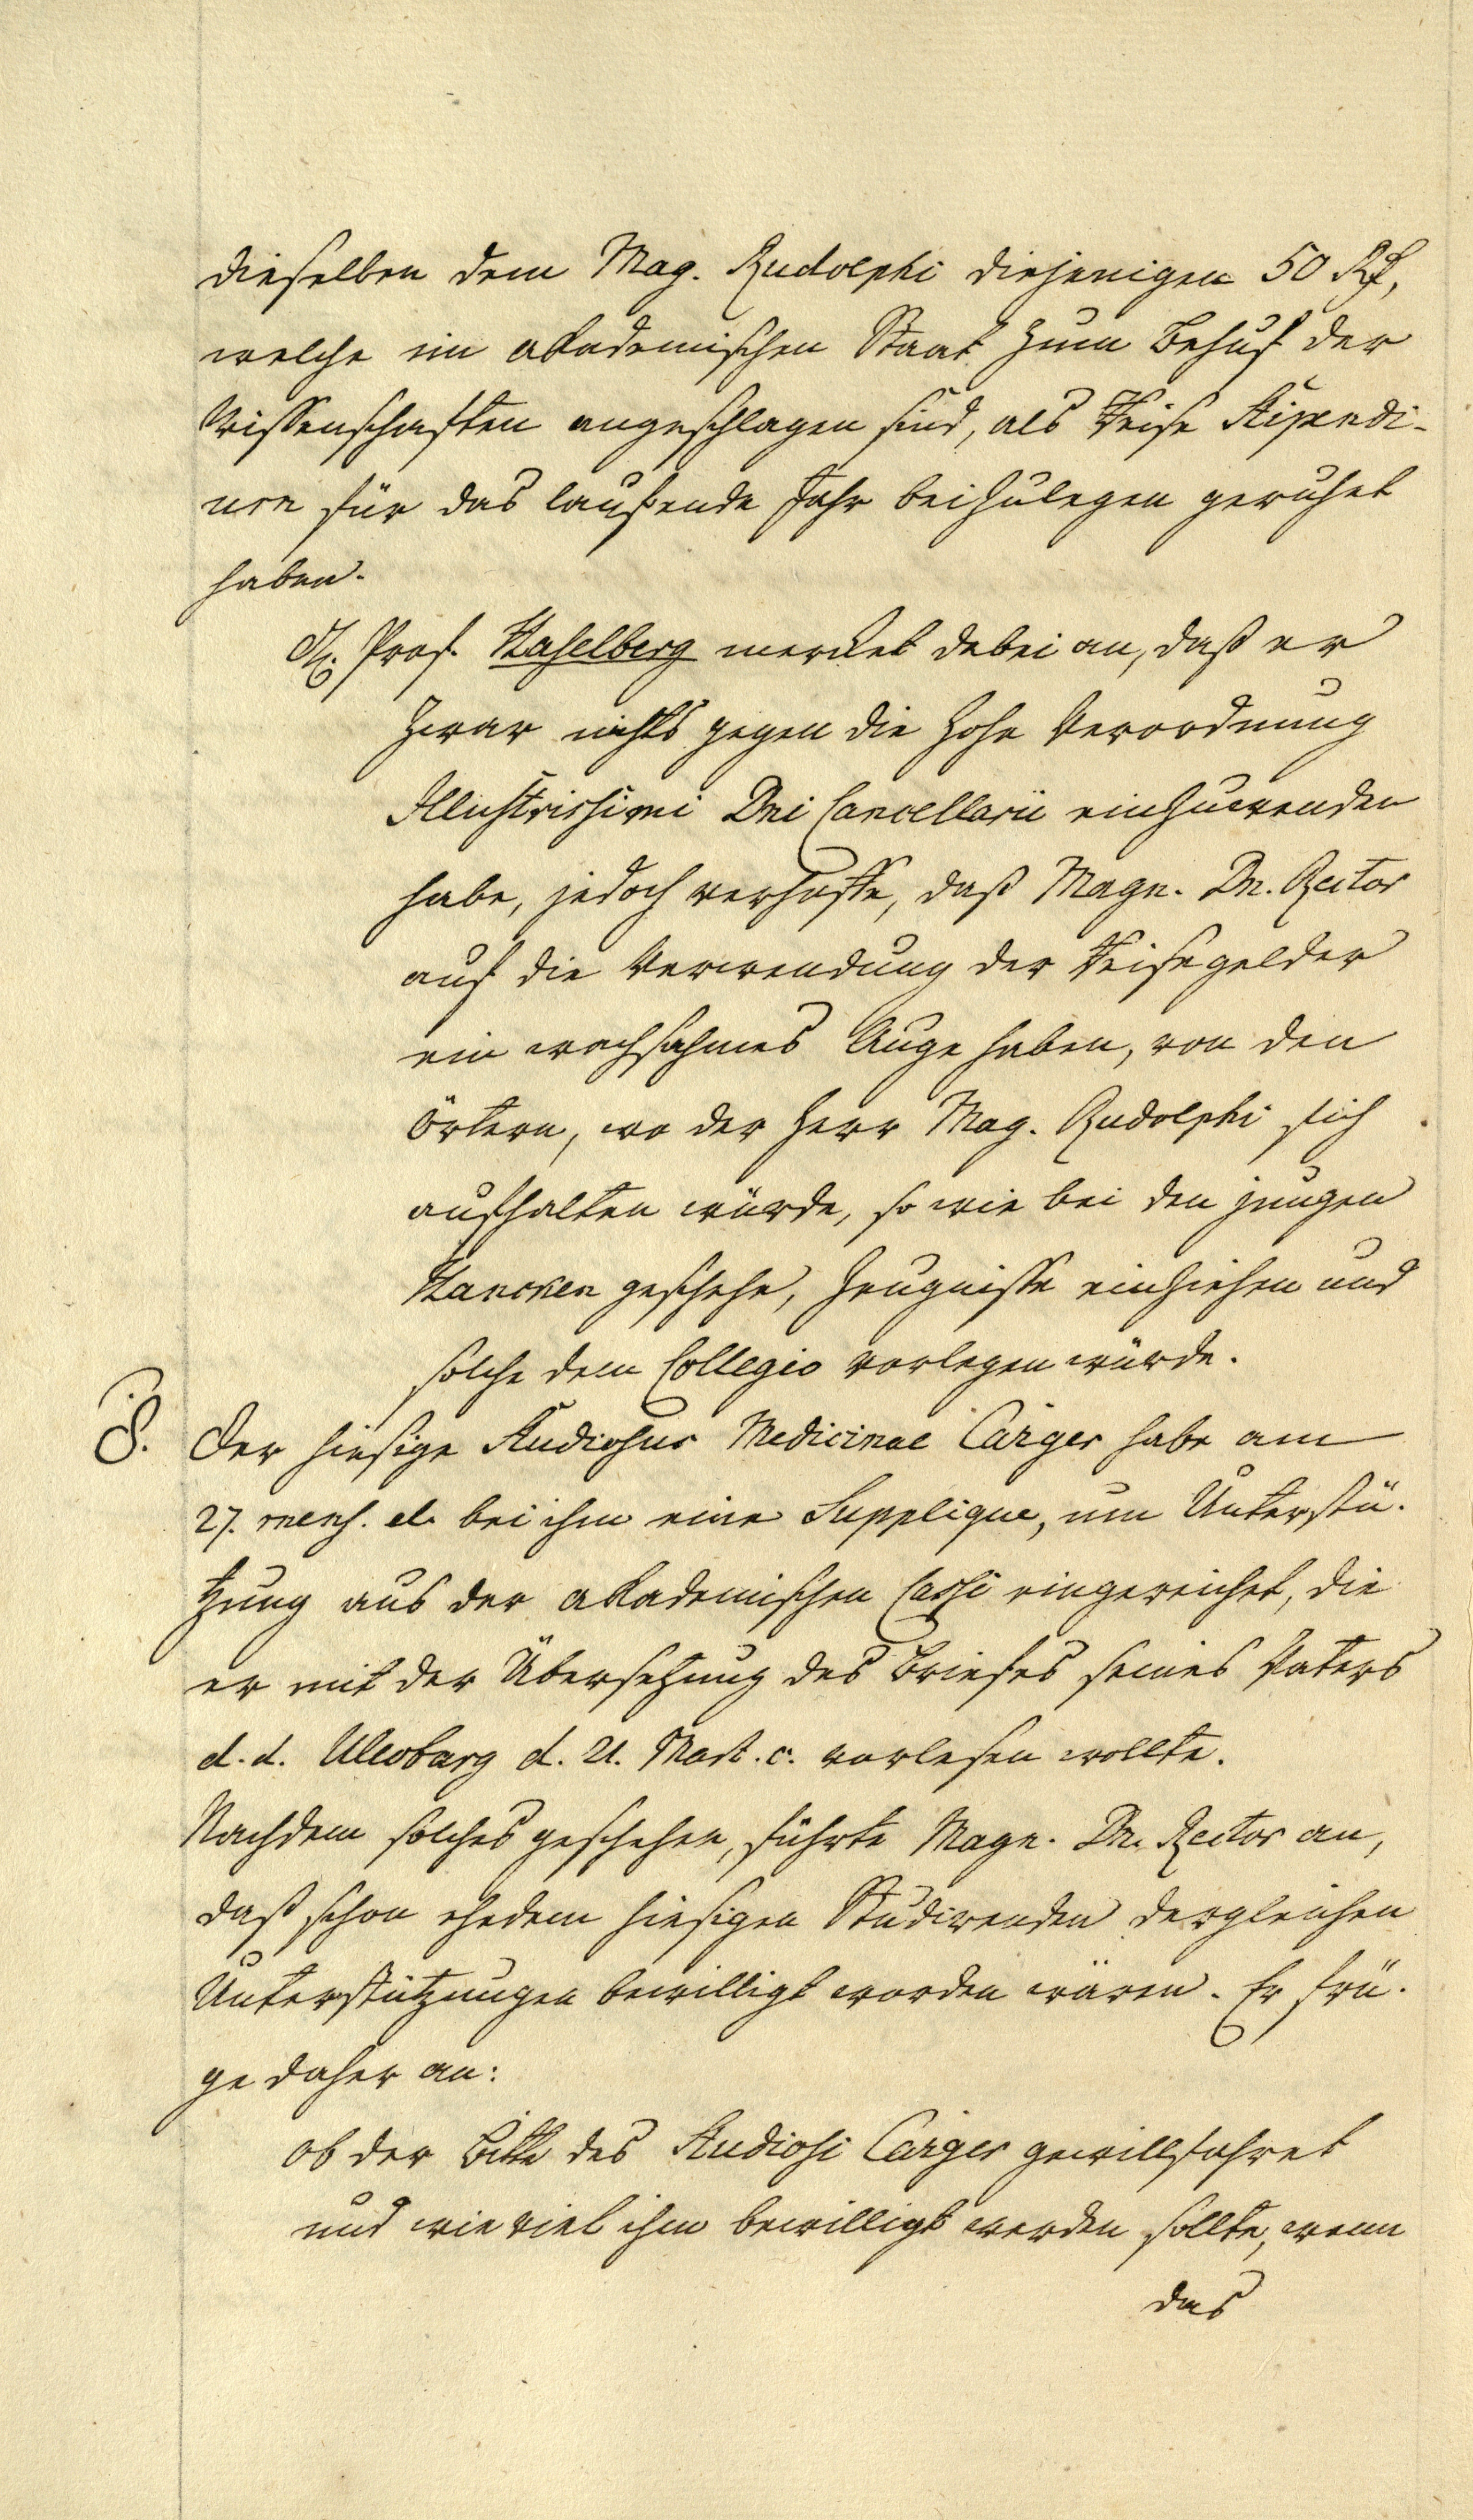dieselben den Mag . Rector petri diejenigen des Sich
welche ein akademischen Staat zum Behuf der
Wissenschaften angeschlagen sind , als Reis Stipendii
mie für das laufende Iahr beizutragen geruhet
meinung
A . Prof Haselberg merket dabei an das er
zwar nichts gegen die hohe Verordnung
schlechter hierü Dem Cancellario einzuwenden
habe , jedoch verliesse , daß Magn Der Rector
auf die Verwendung der Reis Gelder
ein wachsahmes Auge haben , von dem
Erstern , wie der Herr Mag . Handelnde sich
aufhalten würde , so wie bei den geringen
Starcken geschehe Zeugnisse einziehen und
solche dem Collegio vorlegen würde
Da Der hiesige Syndicum Medicina Klaeger habe wie
Mit mens el bei ihm einen Supplican , um Unter stün
tzung aus der akademischen sich eingereichet die
der mit der Untersuchung des tiefes seines Vaters
ad A Belohnung ad A . Mart . verlesen wollte
Nachdem solches geschehen führt Magn . Dn Rector an
daß schon erhabenen hiesigen Studirenden dergleichen
Unterstützungen bewilligt worden wären . so frei
ge . an
Ab der Bett des Studiosi klagen gewillfahret
und wie viel ihm bewilligt werden sollte wann
ob